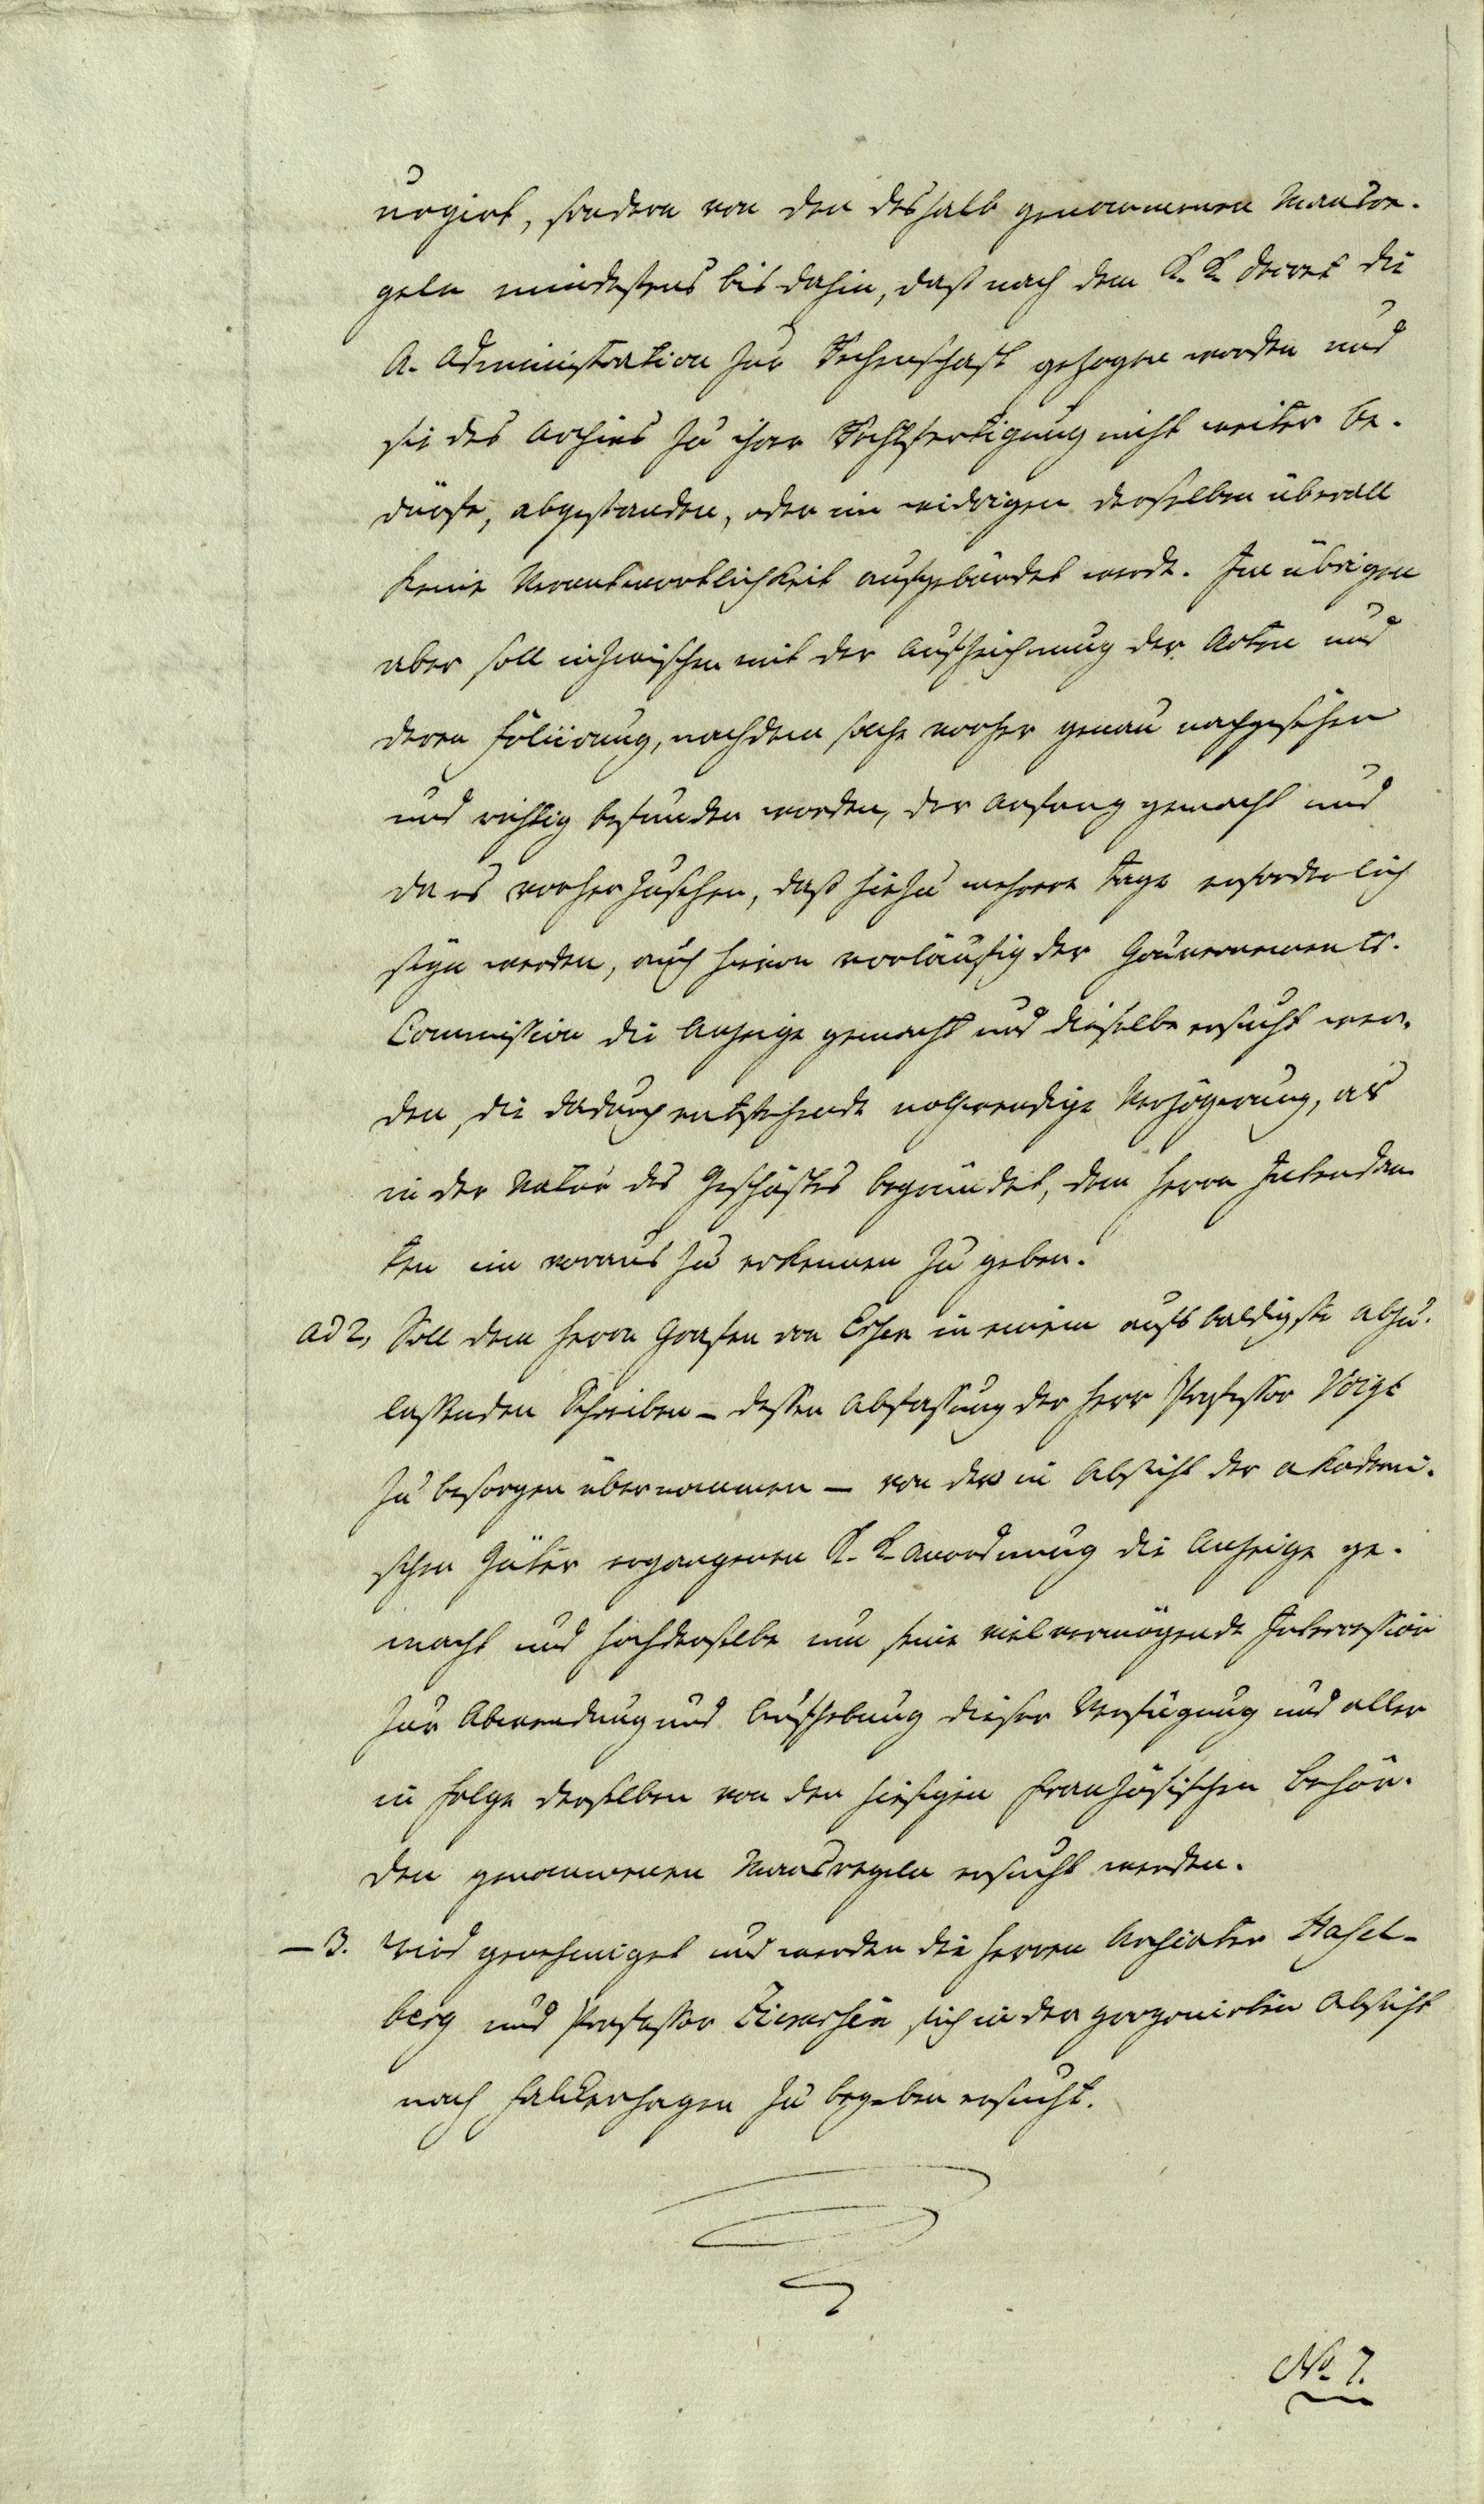urgirt, sondern von den deshalb genommenen Maasre¬
geln mindesten bis dahin, daß nach dem K. K. Decret die
A. Administration zur Rechenschaft gezogen worden und
sie des s zu ihrer Rechtfertigung nicht weiter be¬
dürfe, abgestanden, oder im widrigen derselben überall
keine Verantwortlichkeit aufgebürdet werde. Im übrigen
aber soll inzwischen mit der Aufzeichnung der Acten und
deren Foliirung, nachdem solche vorher genau nachgesehen
und richtig befunden worden, der Anfang gemacht und
da es vorherzuschen, daß hiezu mehrere Tage erforderlich
seÿn werden, auch hievon vorläufig der Gouvernements¬
Commission die Anzeige gemacht und dieselbe ersucht wer¬
den, die dadurch entstehende nothwendige Verzögerung, als
in der Natur des Geschäftes begründet, dem Herrn Intendan¬
ten m voraus zu erkennen zu geben.
ad 2, Soll dem Herrn Grafen von Essen in einem aufs baldigste abzu¬
lassenden Schreiben - dessen Abfassung der Herr Professor Voigt
zu besorgen übernommen - von der in Absicht der akademi¬
schen Güter ergangenen K. K. Anordnung die Anzeige ge¬
macht und Hochderselbe um seine vielvermögende Intercession
zur Abwendung und Aufhebung dieser Verfügung und aller
in Folge derselben von den hiesigen Französischen Behör¬
den genommenen Maasregeln ersucht werden.
3. Wird genehmiget und werden die Herren Archiater Hasel¬
berg und Professor Ziemssen sich in der proponirten Absicht
nach Falckenhagen zu begeben ersucht.
No 7.